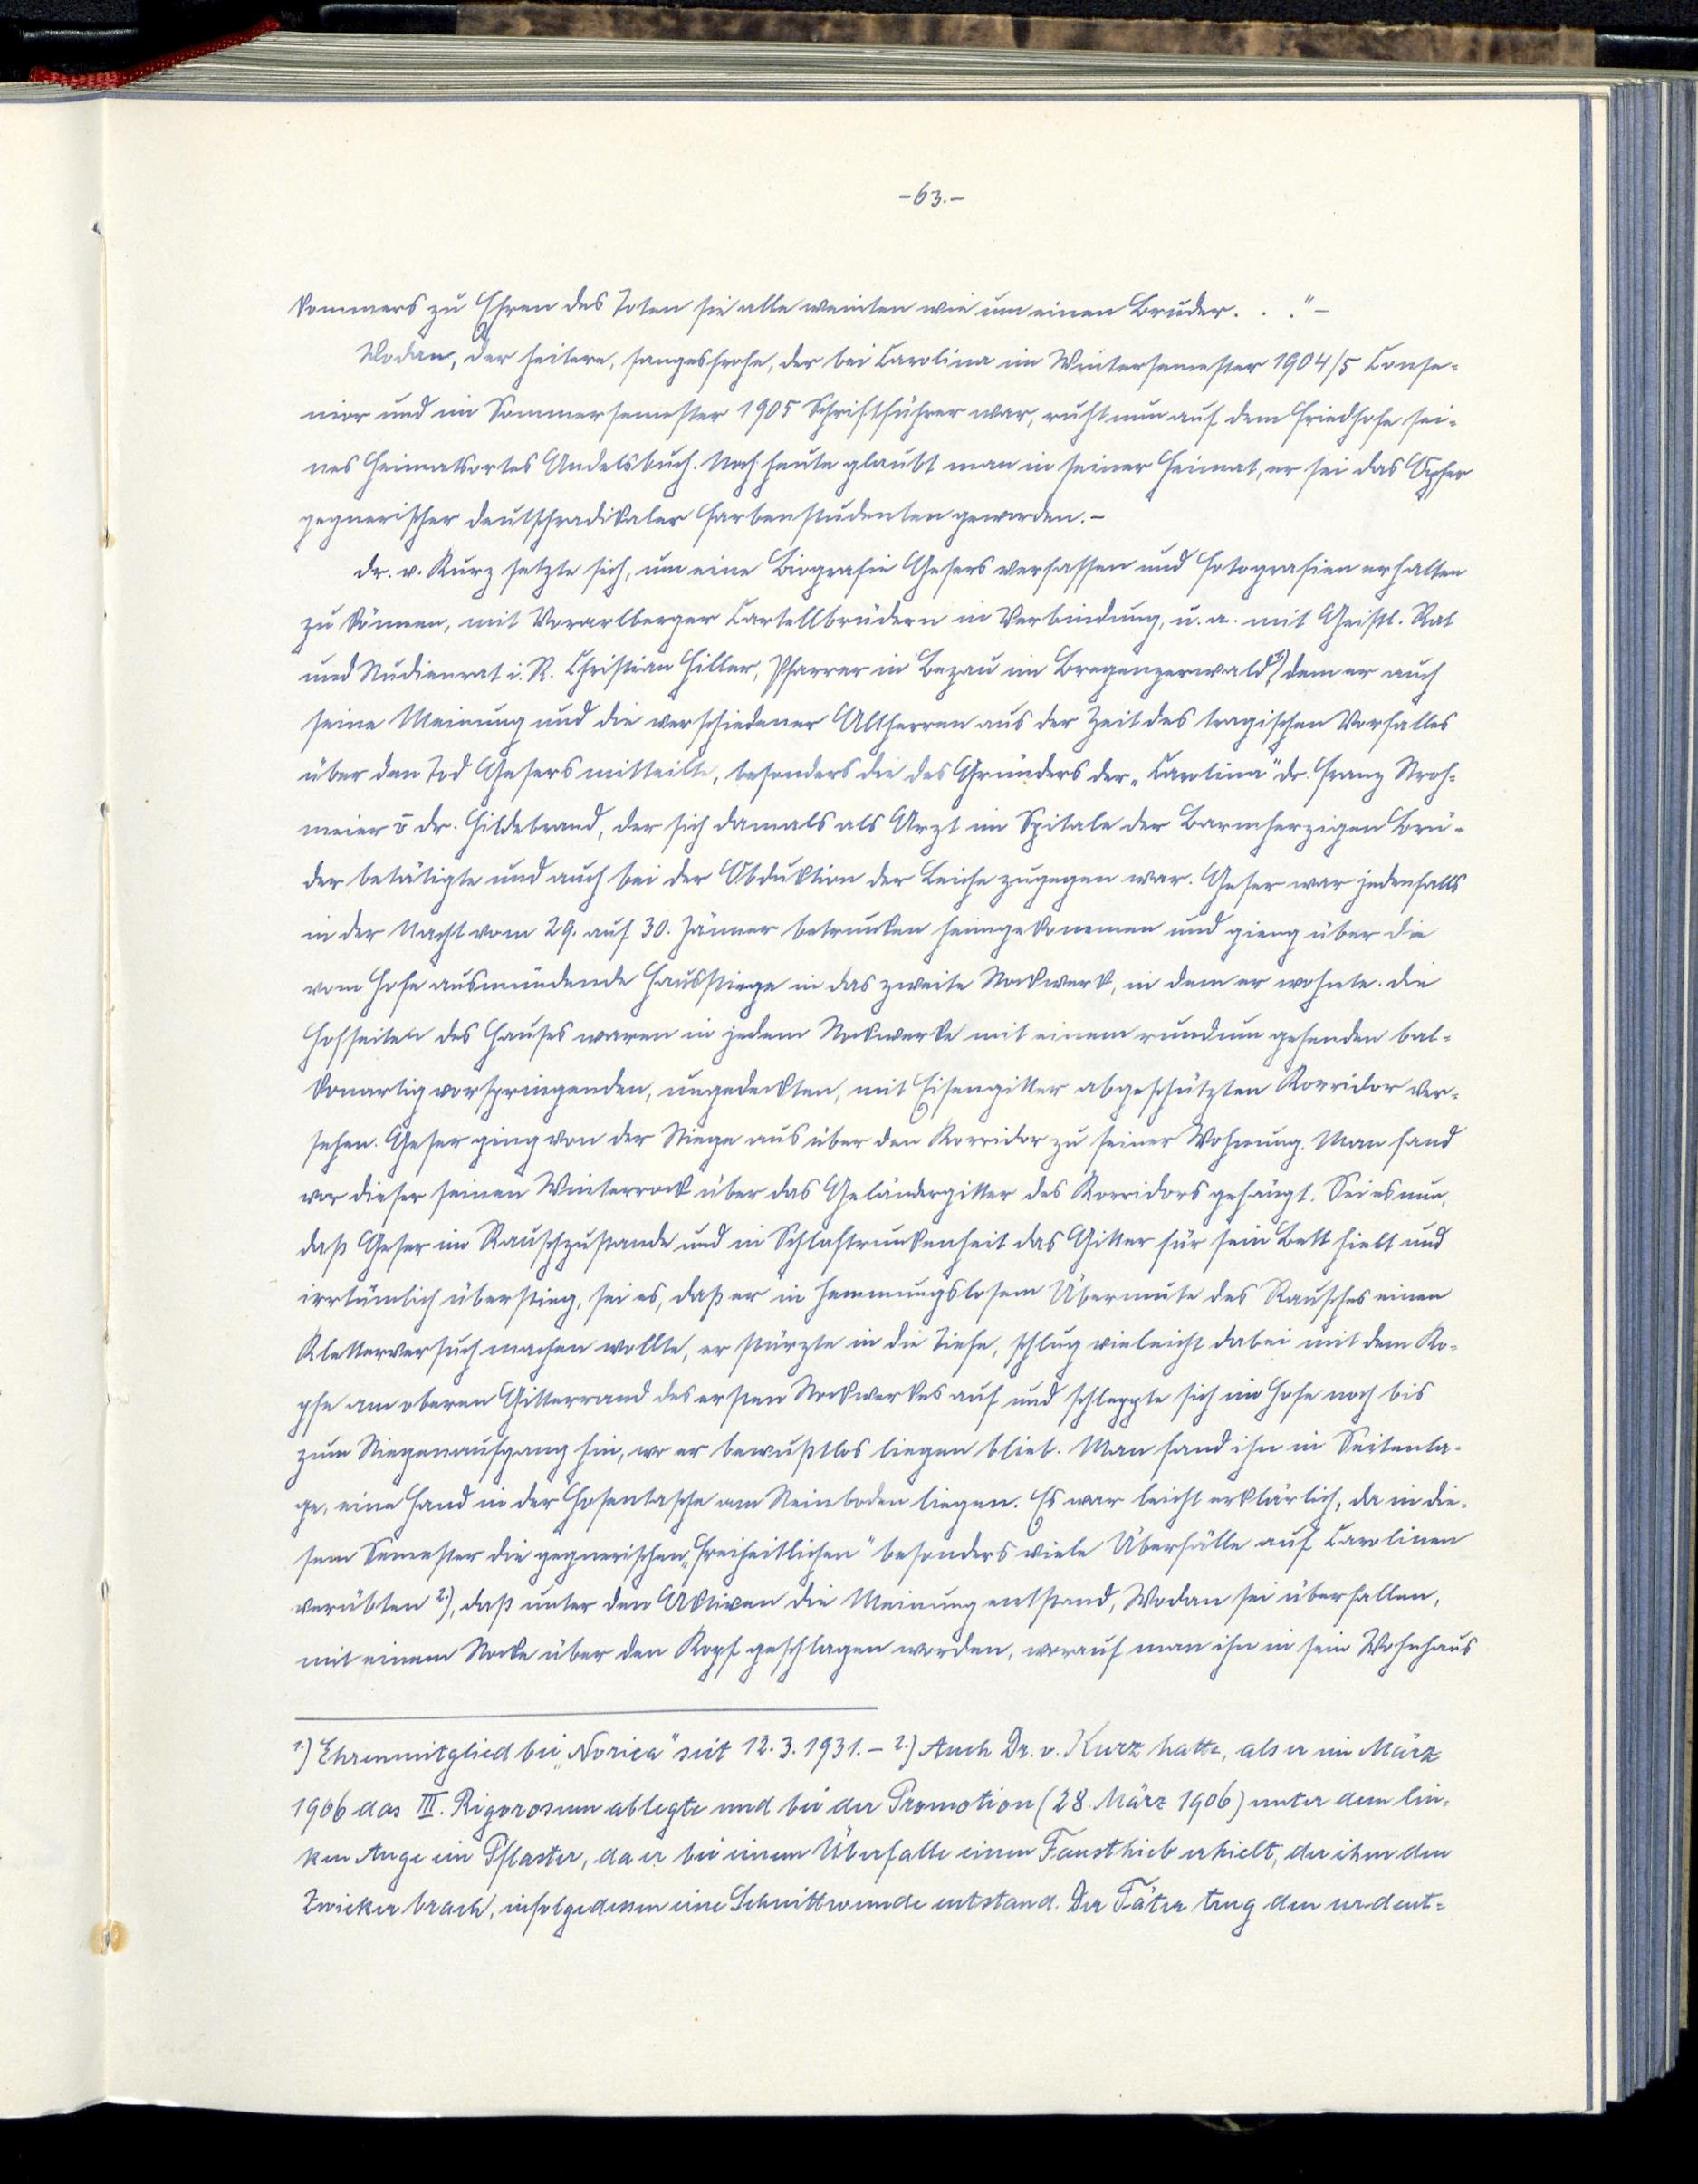63
kommers zu Ehren des Toten sie alle weinten wie um einen Bruder…“
Wodan, der heitere, sangesfrohe, der bei Carolina im Wintersemester 1404/5 Conse-
nior und ein Sommersemester 1905 Schriftführer war, ruht nun auf dem Friedhofe sei-
nes Heimatortes Andelsbuch. Noch heute glaubt man in seiner Heimat, er sei das Opfer
gegnerischer deutschradikaler Farbenstudenten geworden.-
Dr. v. Kurz setzte sich, um eine Biografie Gesers zu verfassen und Fotografien erhalten
zu können, mit Vorarlberger Cartellbrüdern in Verbindung, u. a. mit Geistl. Rat
und Studienrat i. R. Christian Hiller (x), Pfarrer in Bezau im Bregenzerwald 3), dem er auch
seine Meinung und die verschiedener Altherren aus der Zeit des tragischen Vorfalles
über den Tod Gesers mitteilte, besonders die des Gründers der „Carolina“ Dr. Franz Stroh-
v/o Dr. Hildebrand, der sich damals als Arzt im Spital in der barmherzigen Brü-
der betätigte und auch bei der Obduktion der Leiche zugegen war. Geser war jedenfalls
in der Nacht vom 29. auf 30. Jänner betrunken heimgekommen und ging über die
vom Hofe ausmündende Hausstiege in das zweite Stockwerk, in dem er wohnte. Die
Hofseiten des Hauses waren in jedem Stockwerk mit einem rundum gehenden bal-
konartig vorspringenden, ungedeckten, mit Eisengitter abgeschützten Korridor ver
sehen. Geser ging von der Stiege aus über den Korridor zu seiner Wohnung. Man fand
vor dieser seinen Winterrock über das Geländergitter des Korridors gehängt. Se es nun
daß Geser in seinem Rauschzustande und in Schlaftrunkenheit das Gitter für sein Bett hielt und
irrtümlich überstieg, sei es, daß er in hemmungslosem Übermut des Rausches einen
Kletterversuch machen wollte, er stürzte in die Tiefe, schlug vielleicht dabei mit dem Ko-
pfe am unteren Gitterrand des ersten Stockwerkes auf und schleppte sich im Hofe noch bis
zum Stiegenaufgang hin, wo er bewusstlos liegen blieb. Man fand ihn in Seitenla-
ge, eine Hand in der Hosentasche am Steinboden liegen. Es war leicht erklärlich, da in die-
sem Semester die gegnerischen „Freiheitlichen“ besonders viele Überfälle auf Carolinen
verübten 2), daß unter den Aktiven die Meinung entstand, Wodan sei überfallen,
mit einem Stock über den Kopf geschlagen worden, worauf man ihn in sein Wohnhaus
1) Ehrenmitglied bei Norica 12.3.1931.- 2) Auch Dr. v Kurz hatte, als im März
1906 das III. Rigorosum ablegte und bei der Promotion (28. März 1906) und dem lin-
ken Auge ein Pflaster, das er beim Überfalle einen Fausthieb erhielt, der in ihm den
Zwicker brach, infolgedessen eine Schnittwunde entstand. Der Täter trug den urdeut-